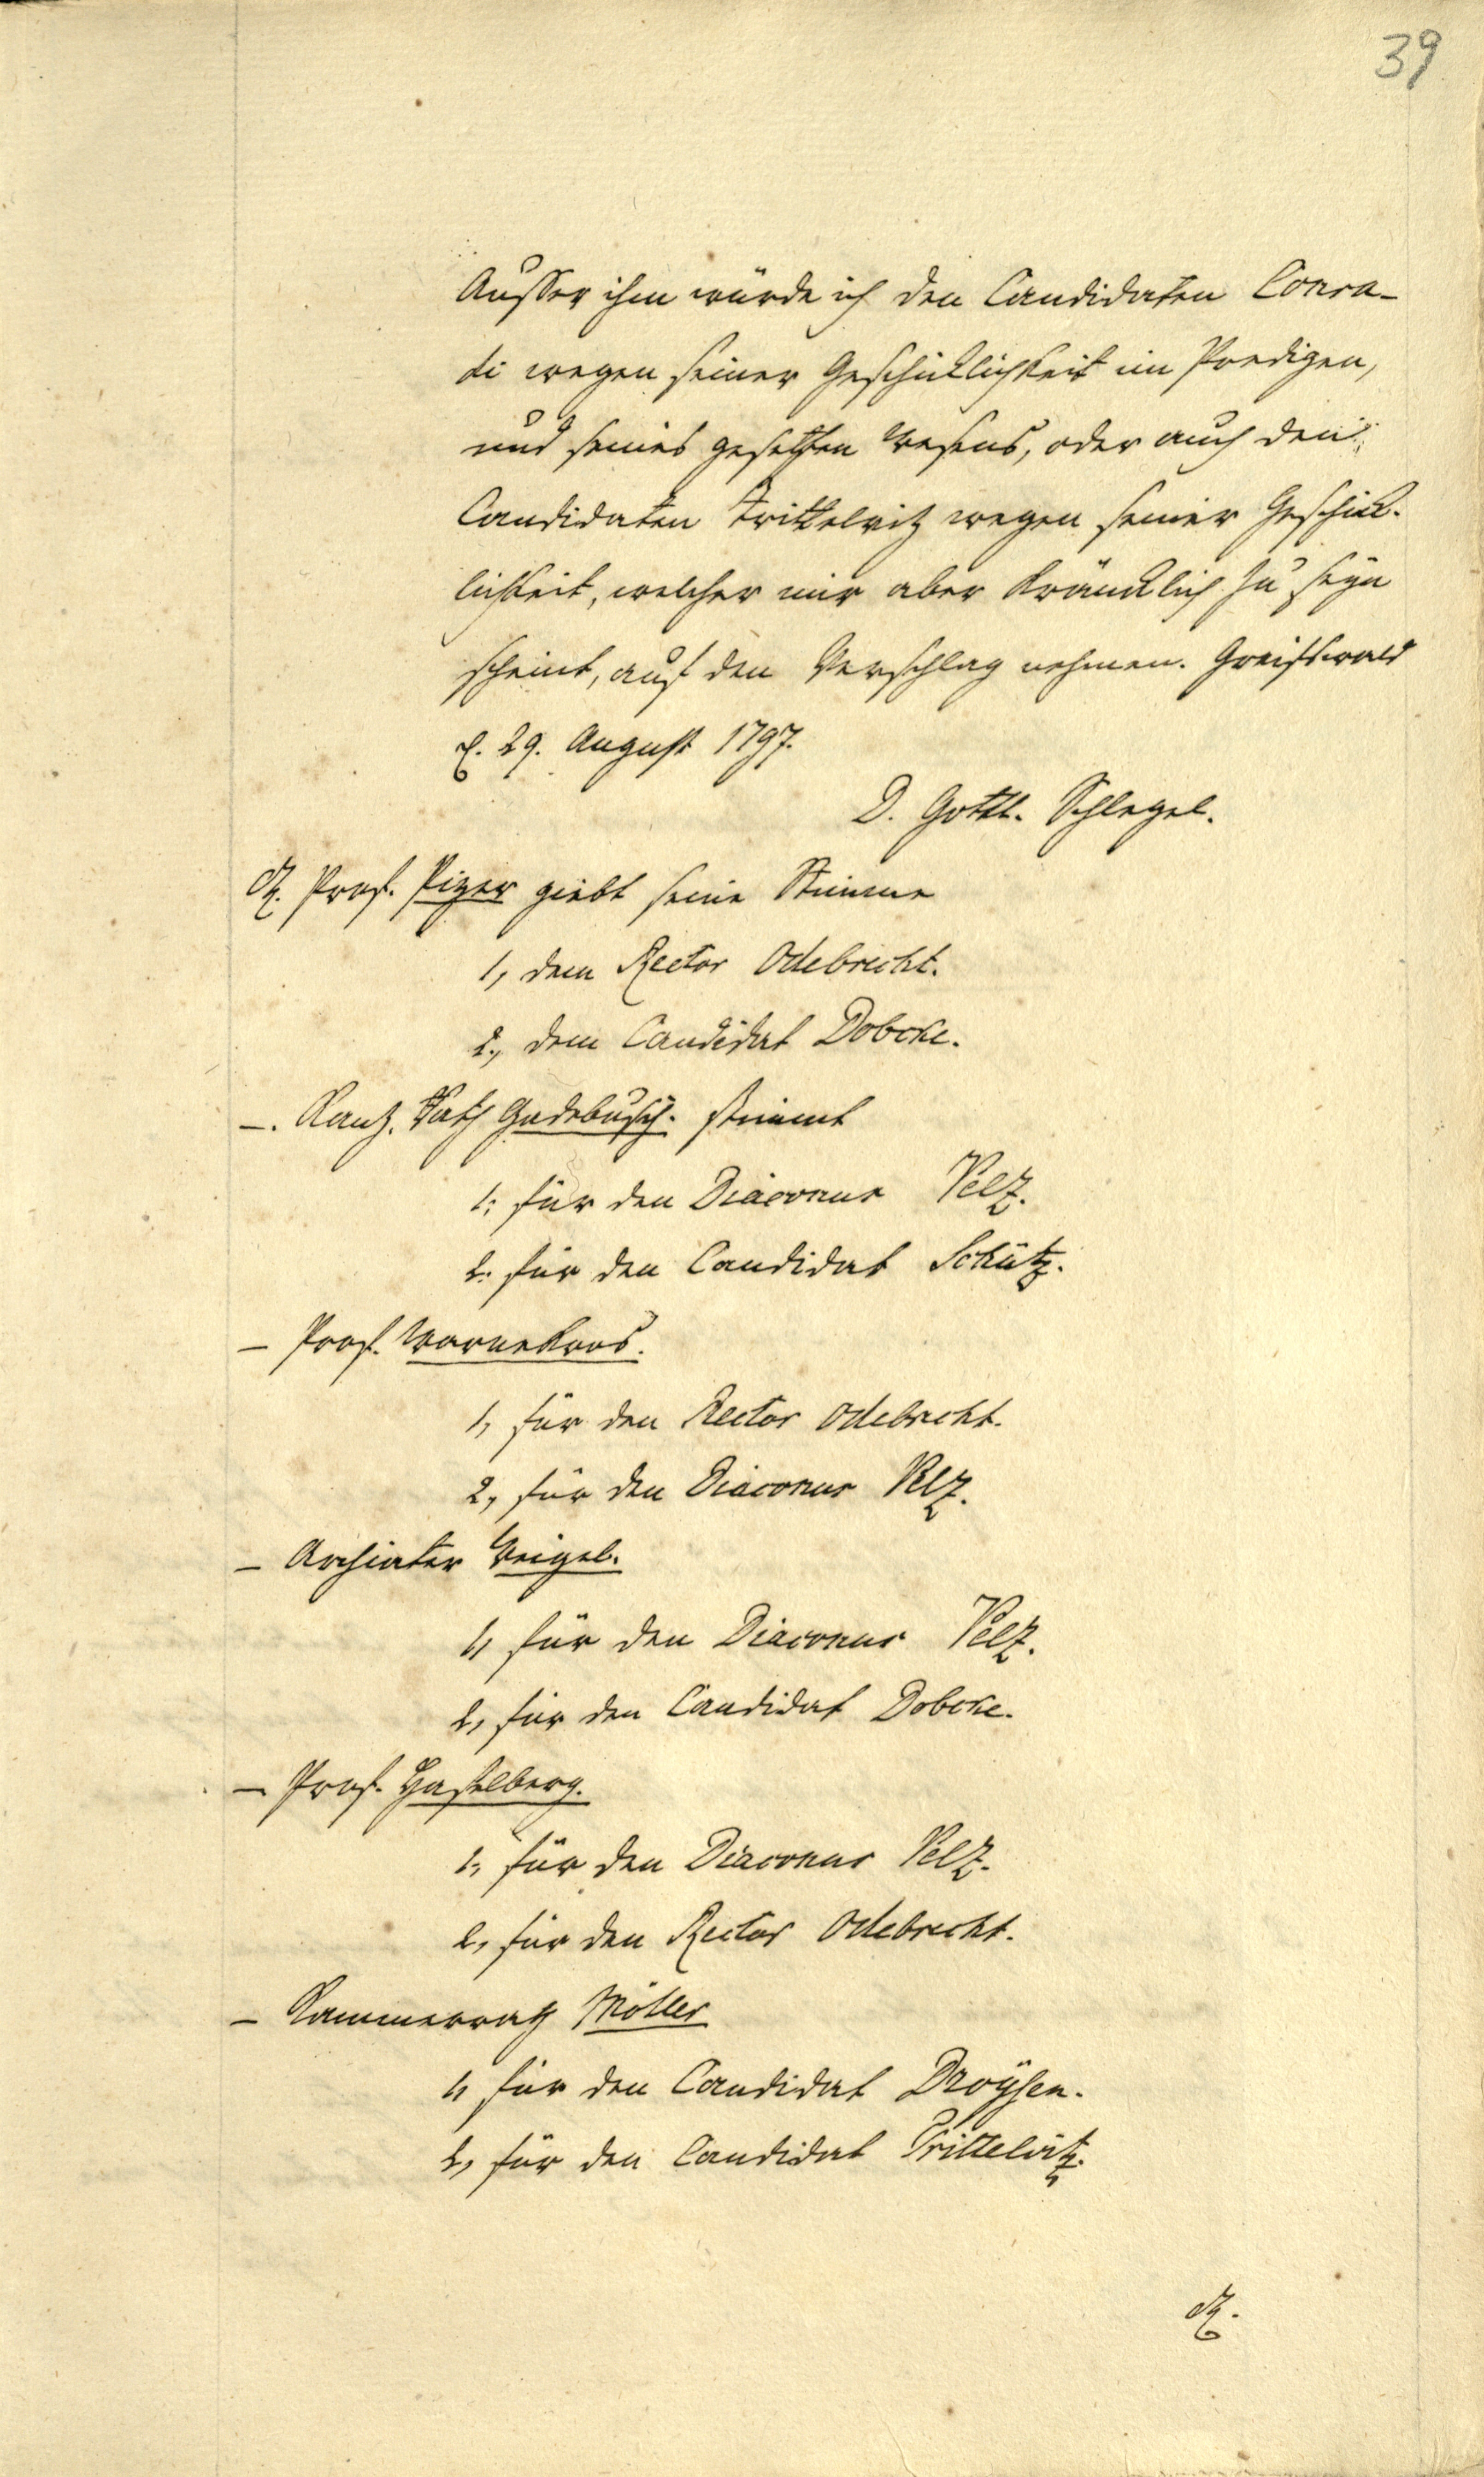Ausser ihm würde ich den Candidaten Conra¬
di wegen seiner Geschicklichkeit im Predigen,
und seines gesetzten Wesens, oder auch den
Candidaten Trittelvitz wegen seiner Geschick¬
lichkeit, welcher mir aber kräncklich zu seÿn
scheint, auf den Verschlag nehmen Greifswald
d 29. August 1797.
D. Gottl. Schlegel.
dh. Prof. Piper giebt seine Stimme
1, dem Rector Odebrecht.
2., dem Candidat Dobcke.
Kanz. Rath Gadebusch. stimmt
1; für den Diaconus Pelz.
2. für den Candidat Schütz.
Prof. Warnekros.
1, für den Rector Odebrecht.
2, für den Diaconus Pelz.
Archiater Weigel.
1, für den Diaconus Pelz.
2, für den Candidat Dobcke.
Prof. Haselberg
1, für den Diaconus Pelz.
2, für den Rector Odebrecht.
Kammerrath Möller
1, für den Candidat Droÿsen.
2, für den Candidat Trittelvitz
dh.